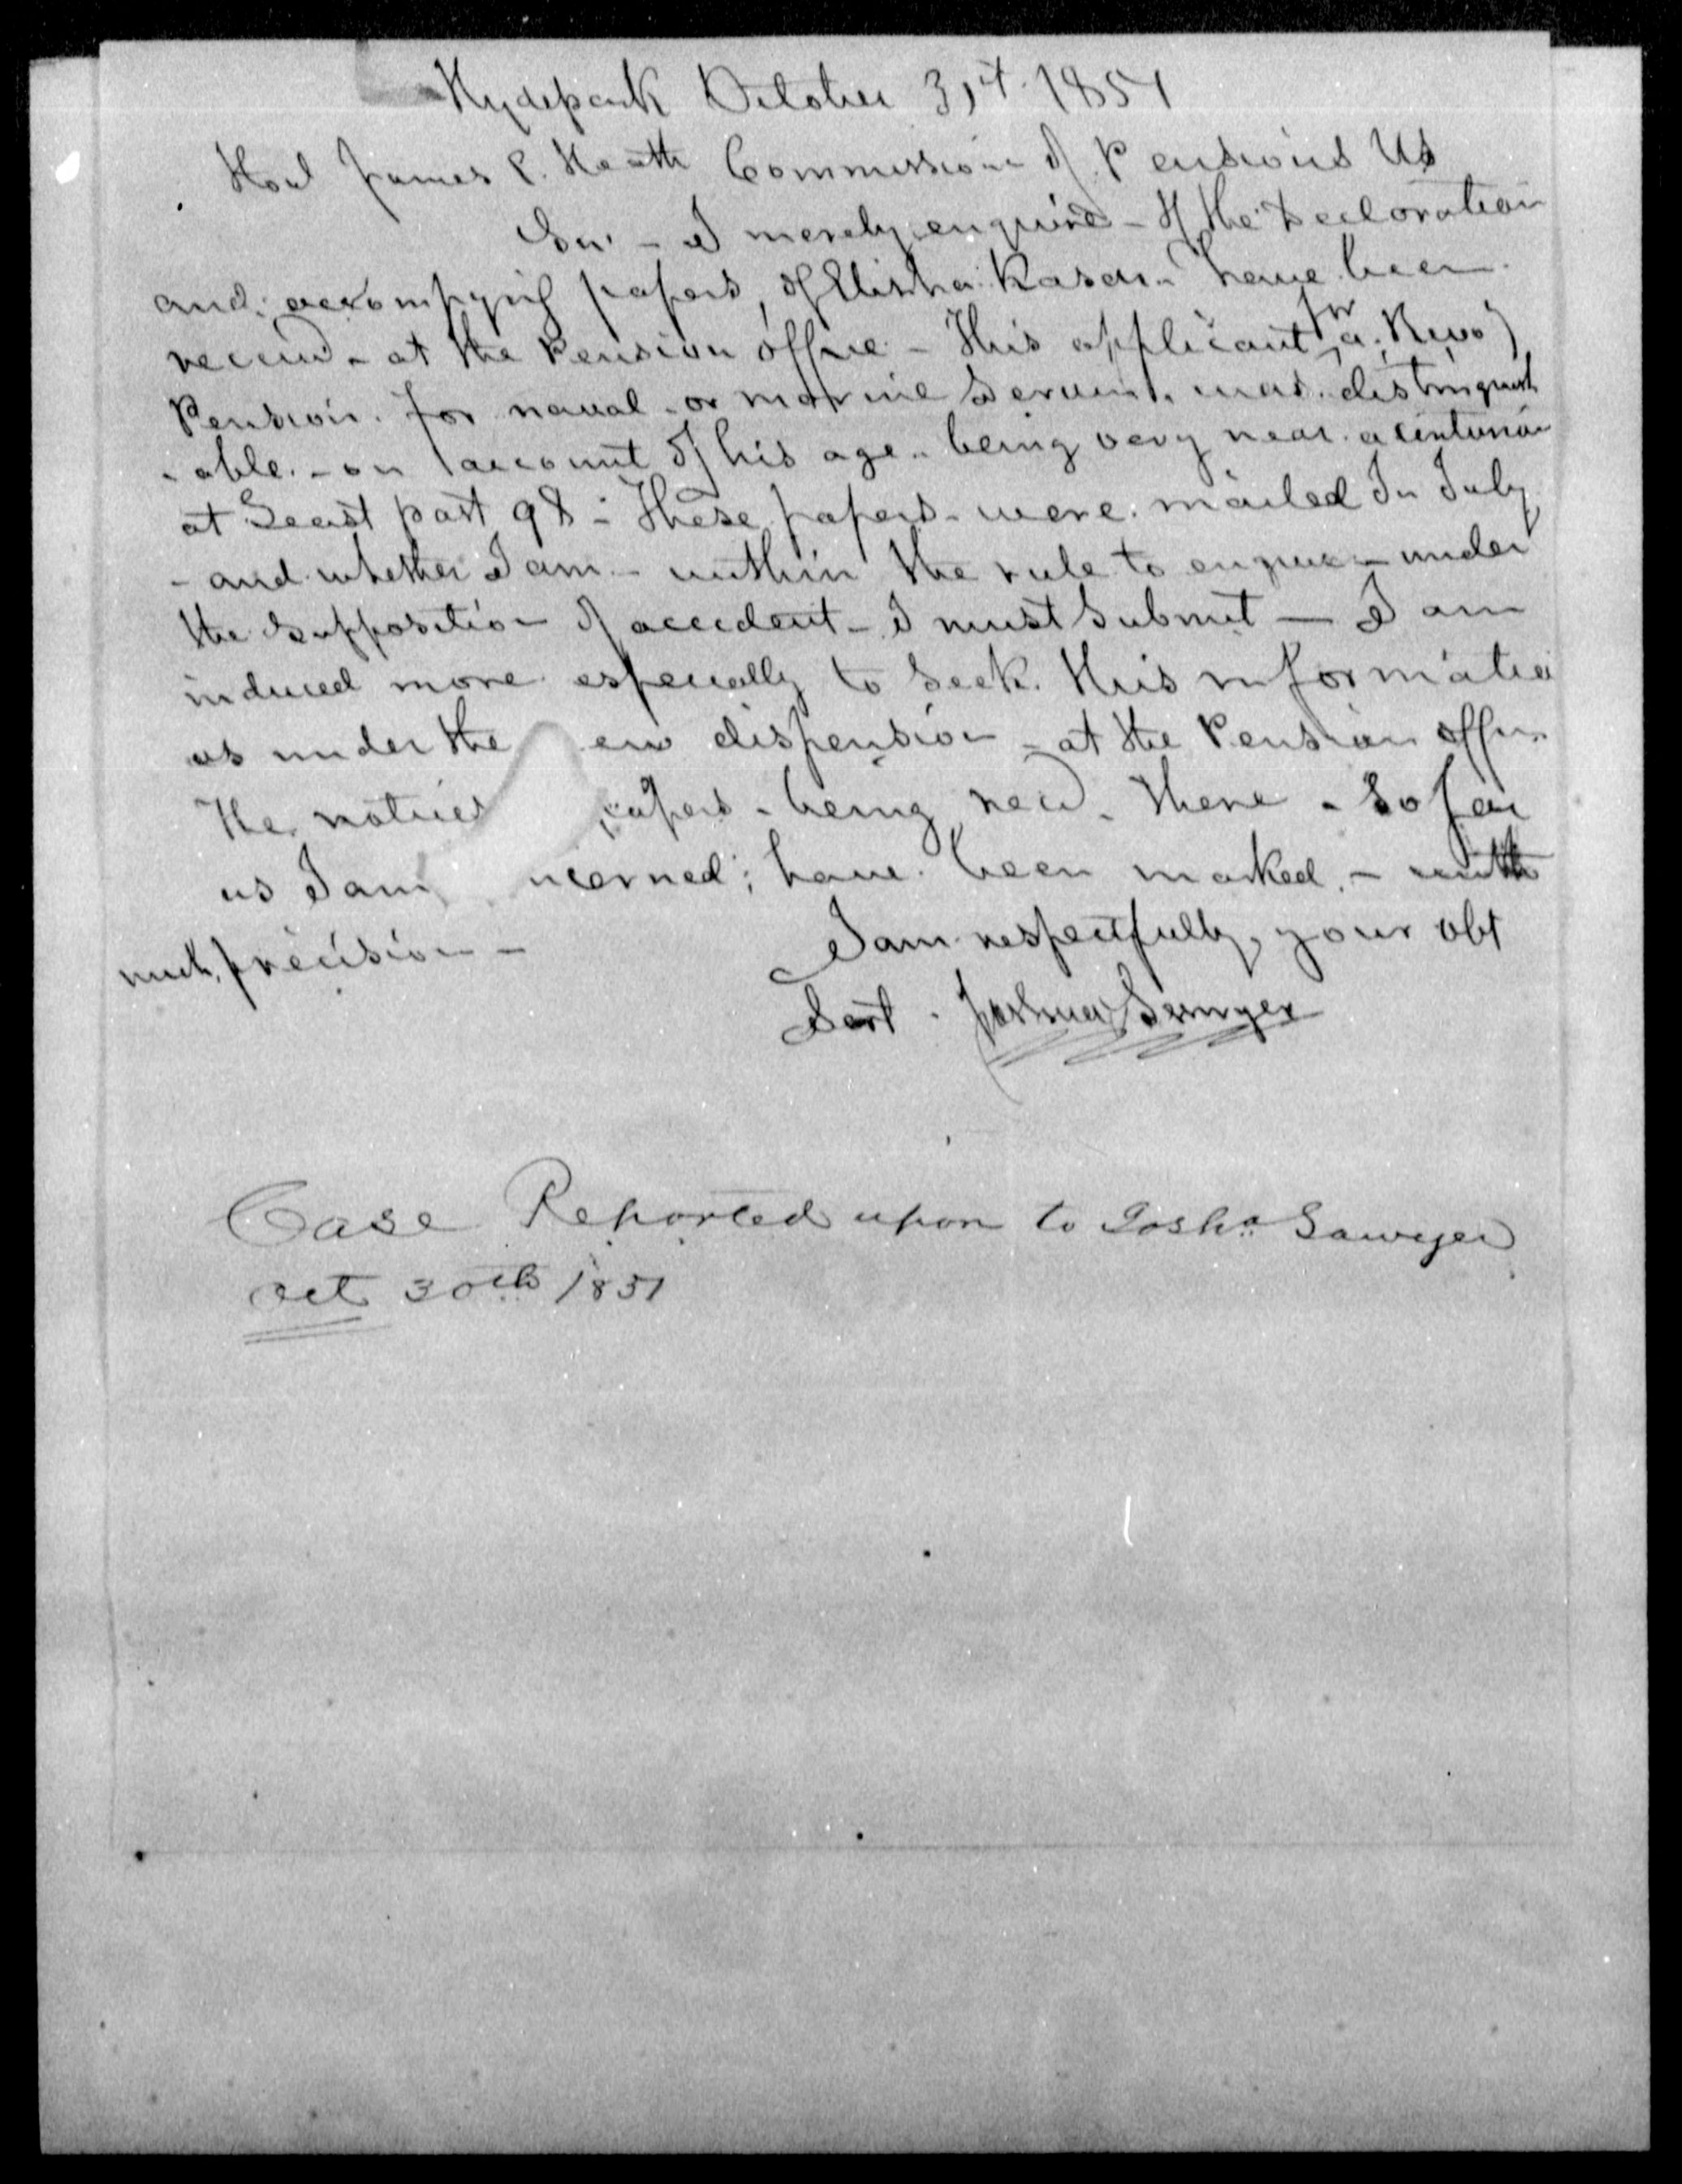Hyde Park October 31st 1851
[Hon] James P. Heath Commissioner of Pension
[Sn'] I merely enquire of the declaration and accompanying papers of Elisha Raser have been recorded at the Pension Office- This applicant of a  Revol. Pension . for naval or marine service was distinguished - able - on account of his age- being of very near a centurian at least part 98- these papers were mailed in July- and whether I am within the rule to enquire under the supportation of accident- I must submit- I am induced more especially to seek. This information is under the [ew] dispersion at the Pension Office. The Notries [apers] being new. there so far us I am [morned; have been marked  with much precision. I am respectfully yours obt sent 
Joshua Sawyer
Case Reported upon joshua Sawyer Oct 30th 1831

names: Joshua Sawyer; Josha Sawyer; James E Heath; Elisha Rasar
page: 24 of 30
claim: rejected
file: R. 8625, for Elisha Razar, Connecticut